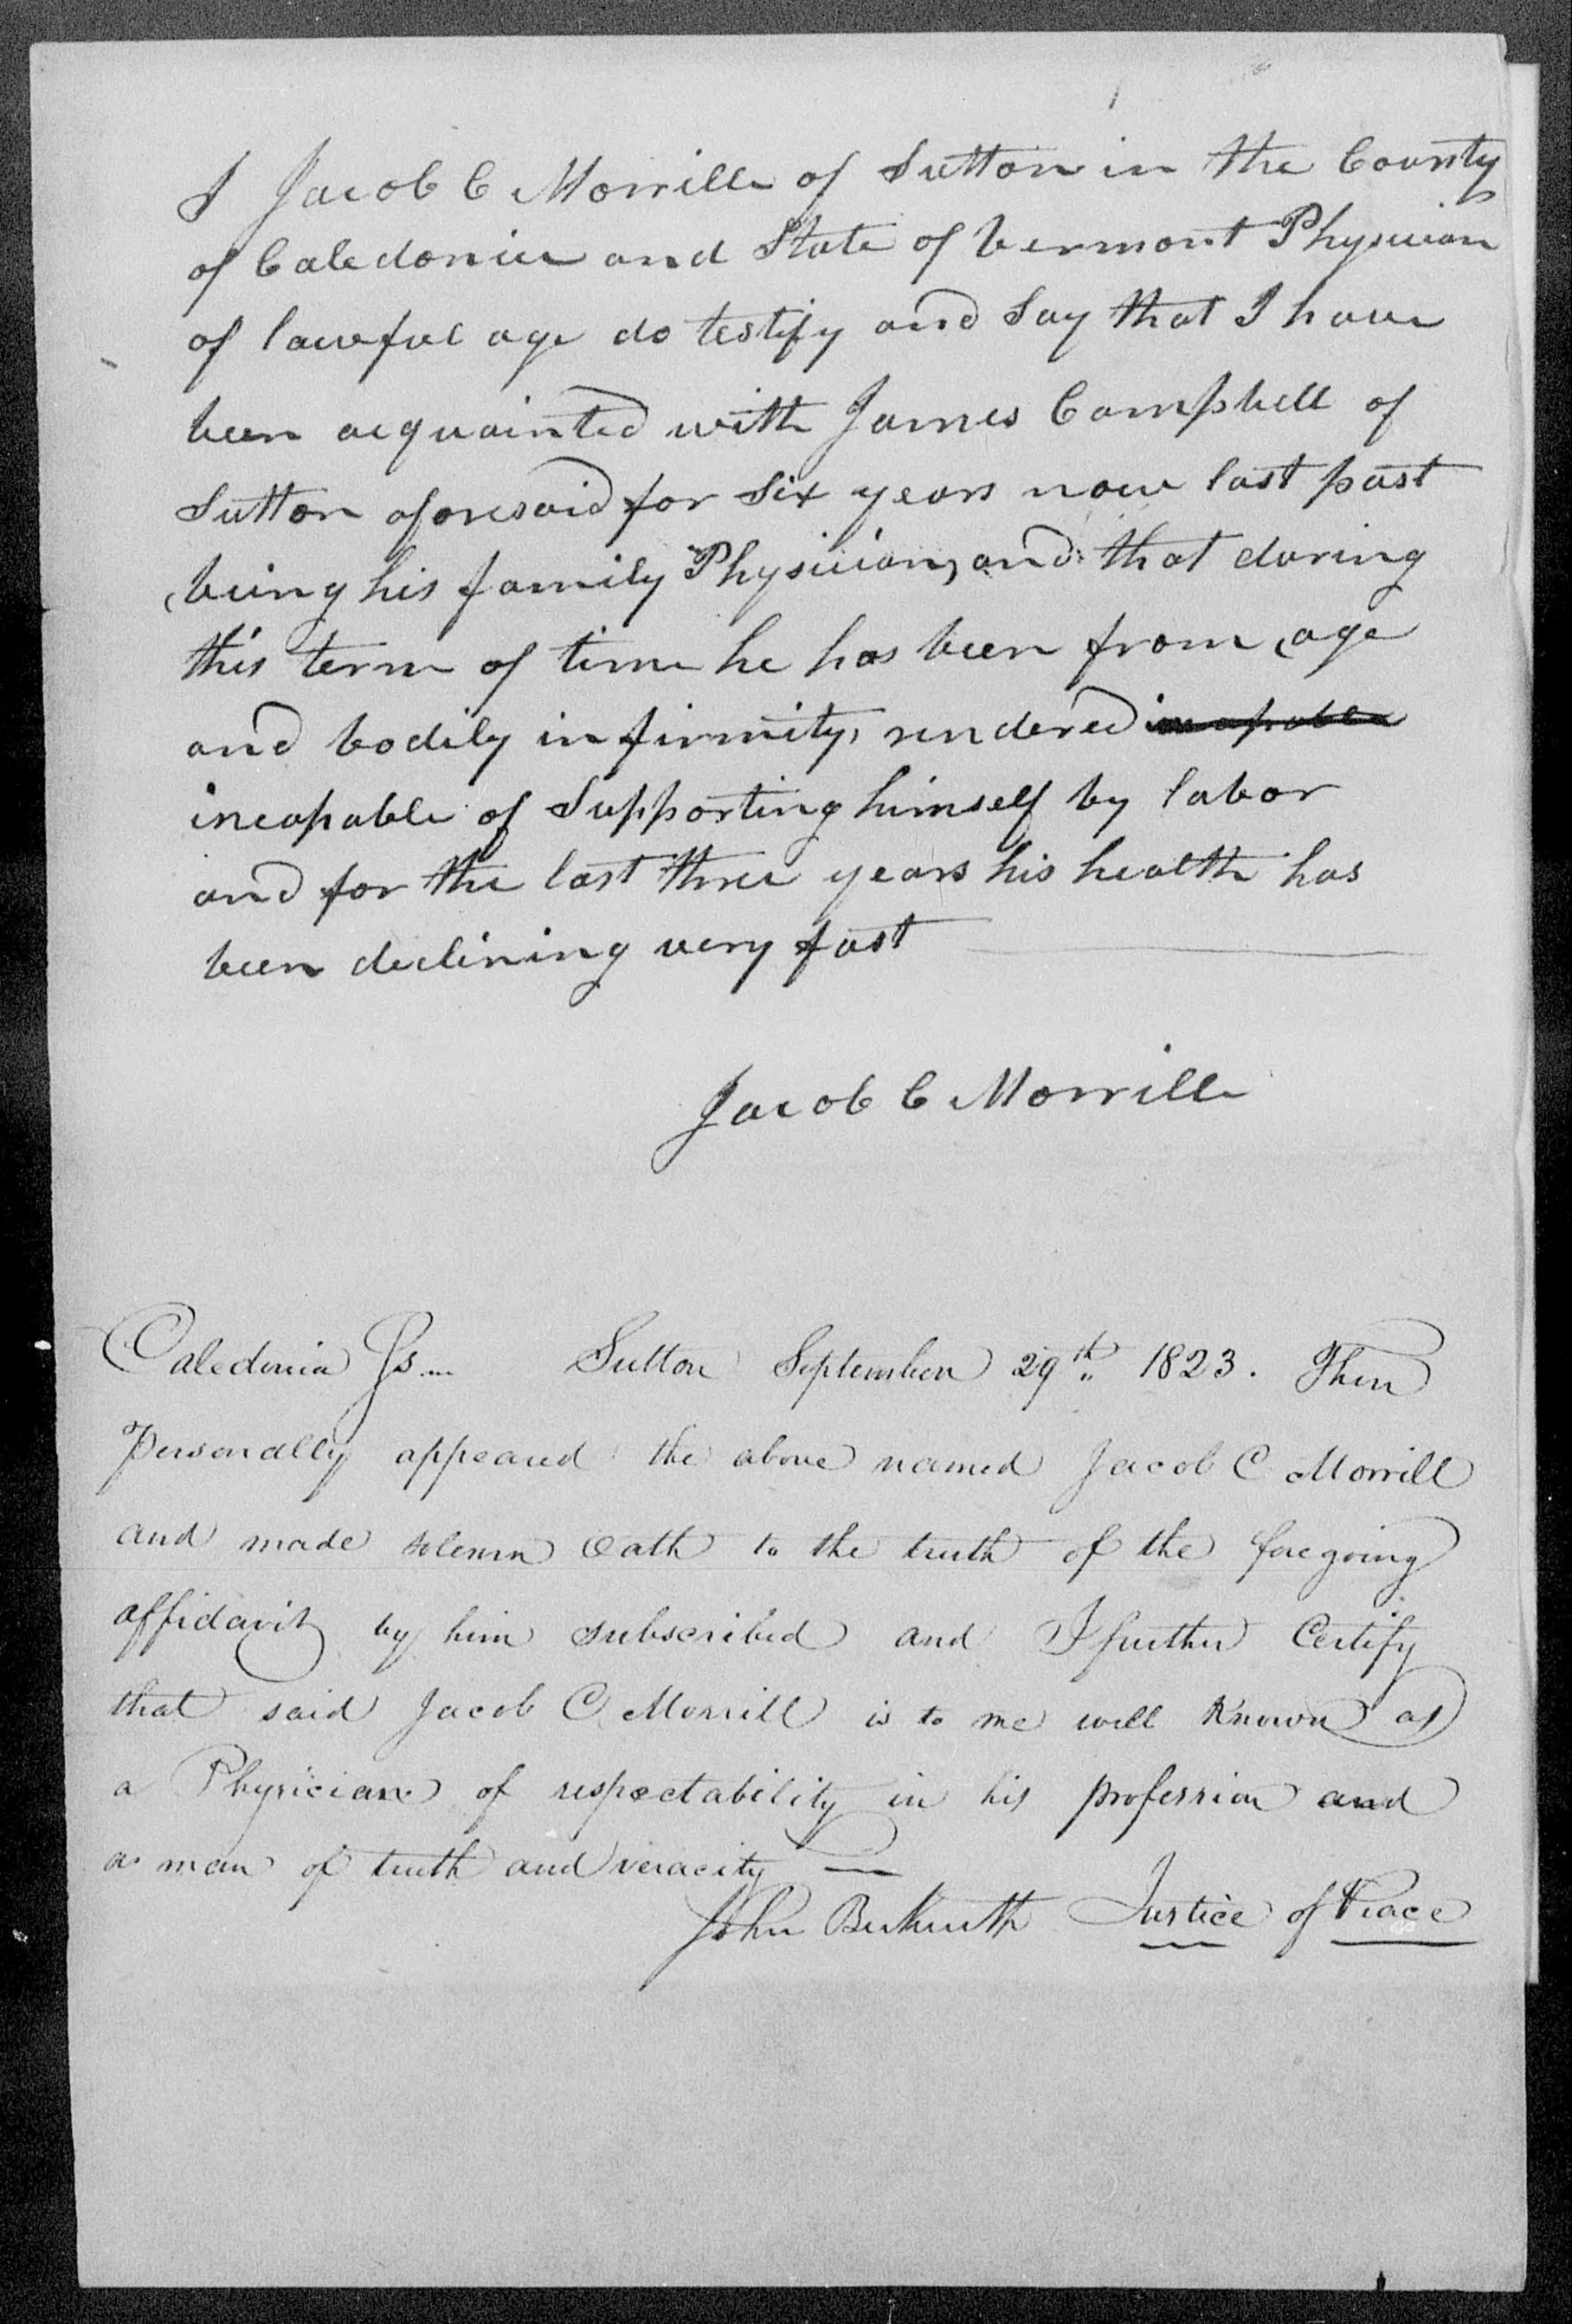I Jacob C Morrill of Sutton in the County
of Caledonia and State of Vermont Physician
of lawful age do testify and say that I have
been acquainted with James Campbell of
Sutton aforesaid for Six years now last past
being his family Physician, and that during
this term of time he has been from age and bodily infirmity, rendered incapable of Supporting himself by labor and for the last three years his health has been declining very fast -
Jacob C Morrill


Caledonia ss ~ Sutton September 29th. 1823. Then personally appeared the above named Jacob C Morrill and made solemn oath to the truth of the foregoing affidavit by him subscribed and I further Certify that said Jacob C Morrill is to me well known as a Physician of respectability in his profession and a man of truth and veracity ~ 
John Beckwith Justice of Peace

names: Jacob C Morrill, John Beckwith, Jacob C Morrill, James Campbell, Jacob C Morrill, Jacob C Morrill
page: 49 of 67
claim: widow's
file: W. 23772, James Campbell, Continental Mass.